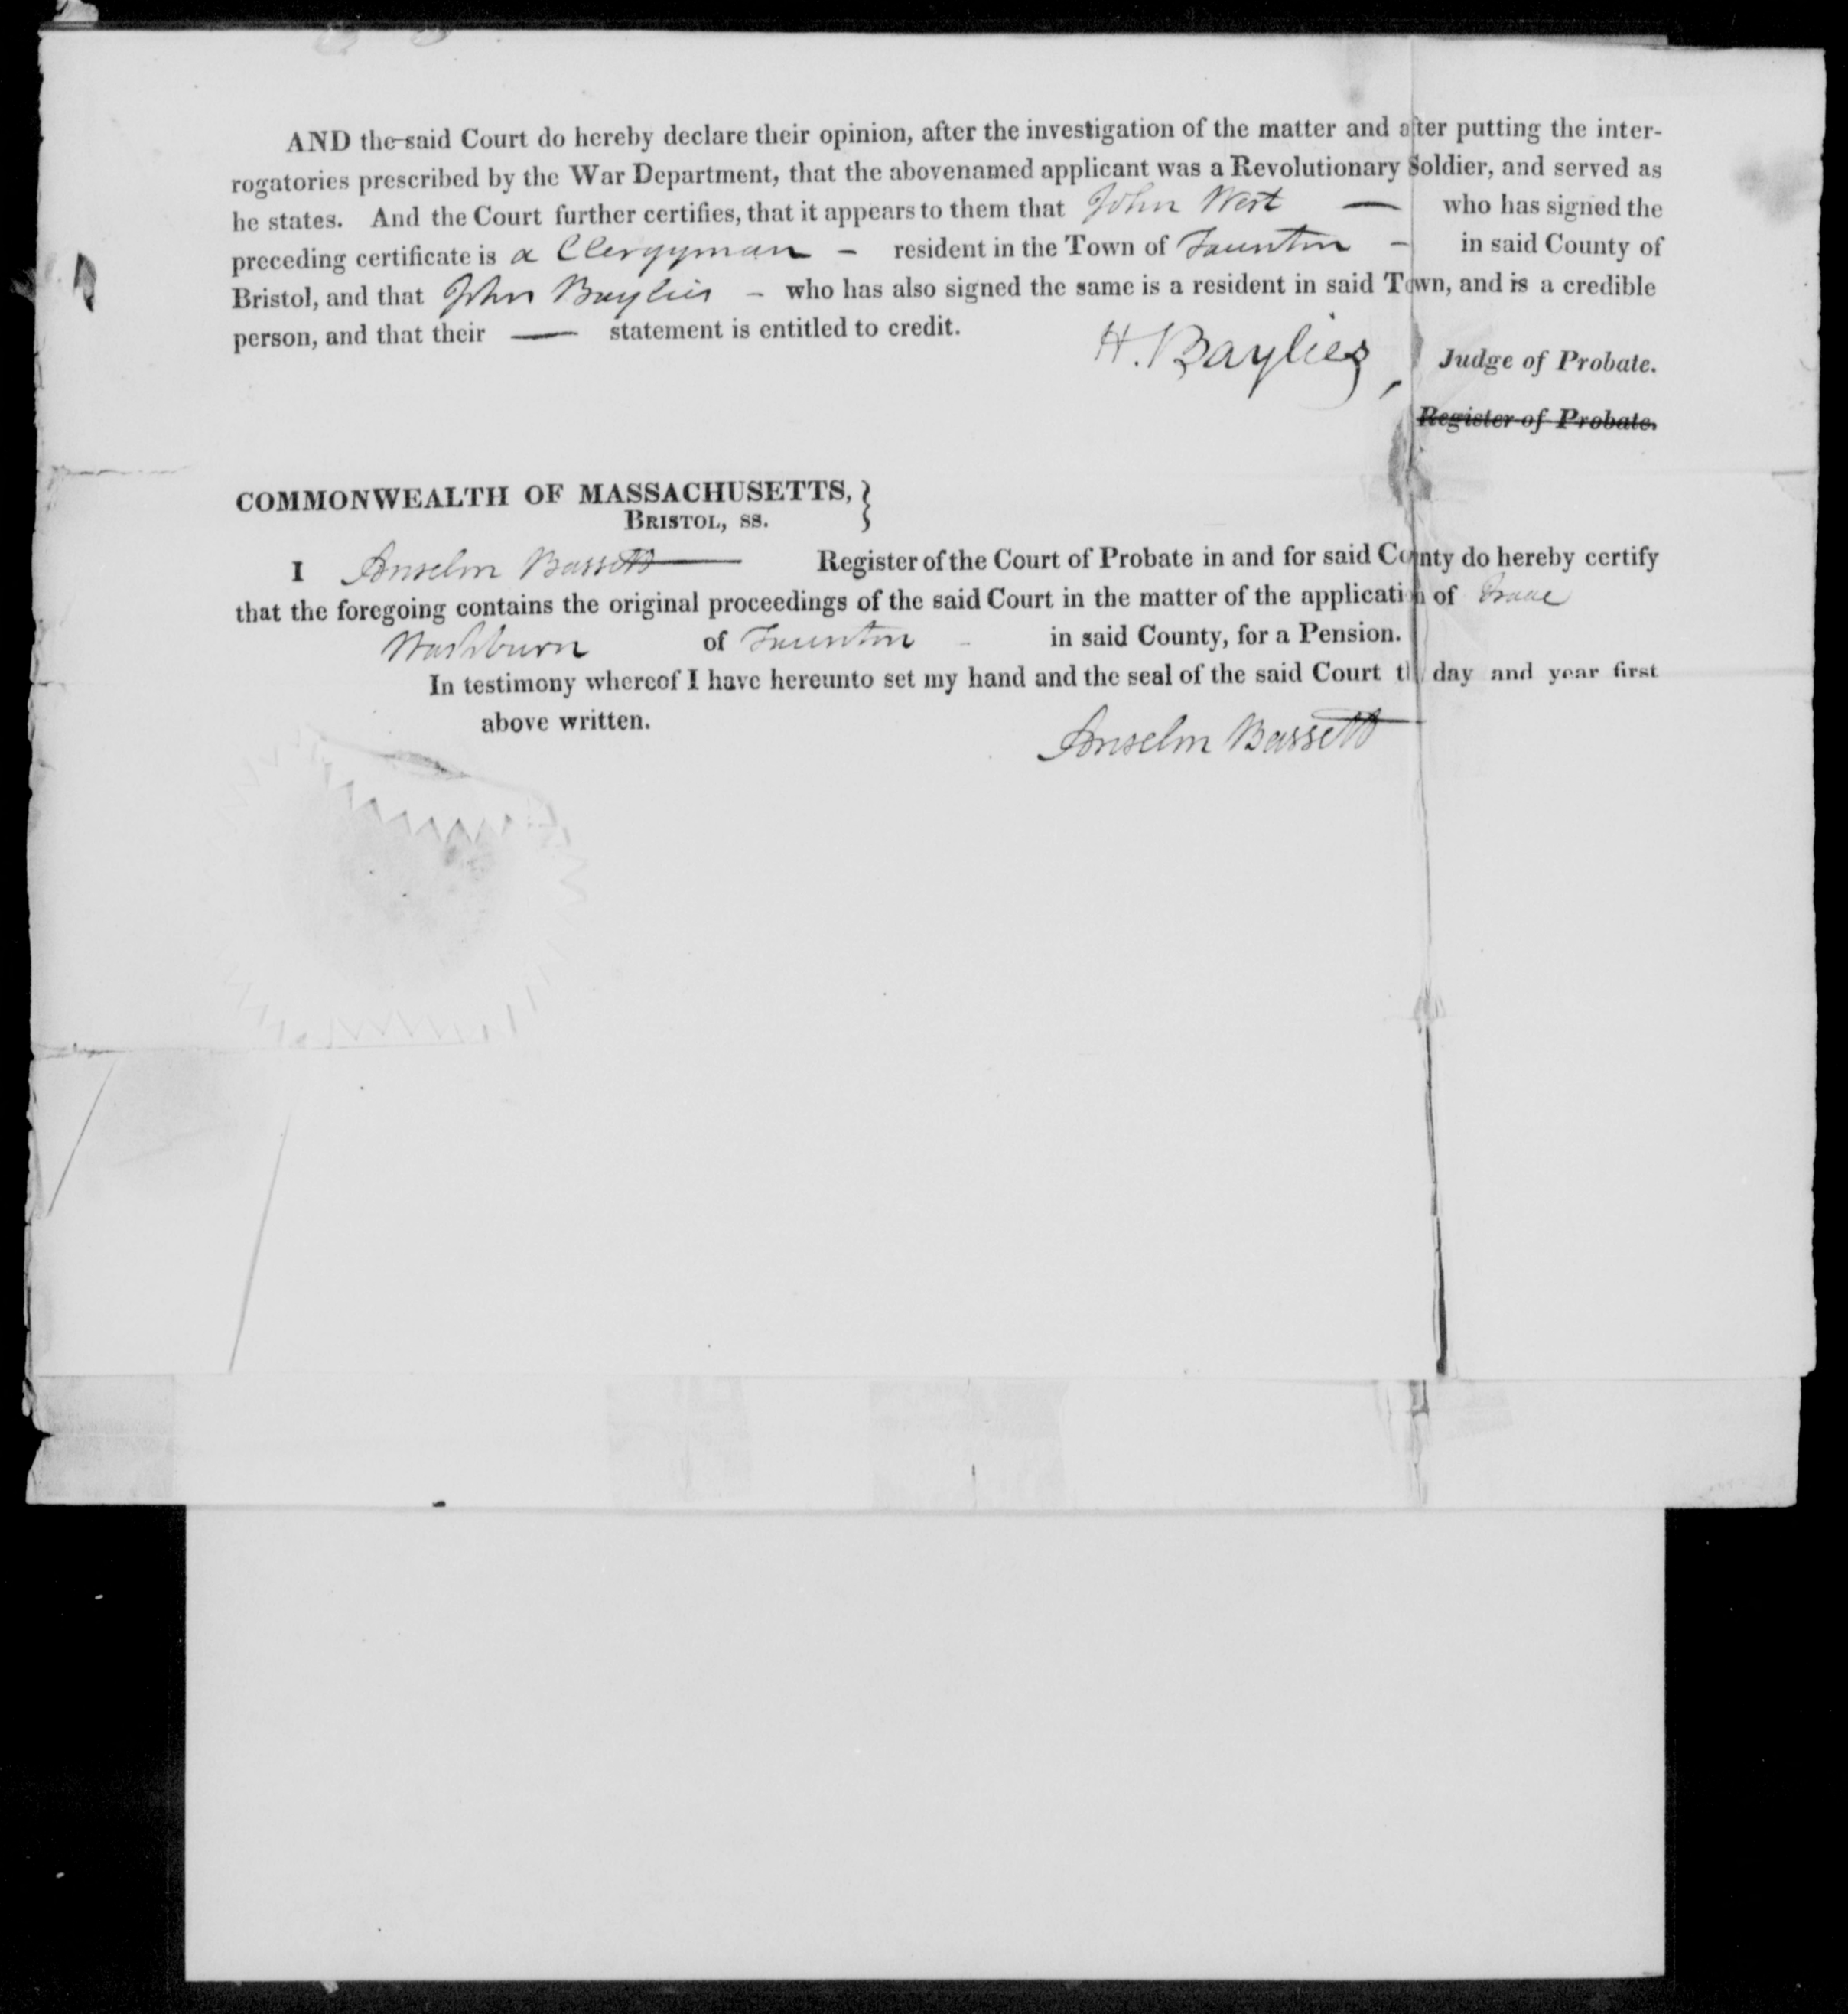AND the said Court do hereby declare their opinion, after the investigation of the matter and after putting the interrogatories prescribed by the War Department, that the abovenamed applicant was a Revolutionary Soldier, and served as he states. And the Court further certifies, that it appears to them that John West who has signed the preceding certificate is a Clergyman resident in the Town of Taunton in said County of Bristol, and that John Baylies who has also signed the same is a resident in said Town, and is a credible person, and that their statement is entitled to credit.
  H. Baylies, Judge of Probate.
                                  [“Register of Probate” is          
                                     crossed out]

COMMONWEALTH OF MASSACHUSETTS, }
                Bristol, ss. }

  I Anselm Bassett Register of the Court of Probate in and for said County do hereby certify that the foregoing contains the original proceedings of the said Cort in the matter of the application of Isaac Washburn of Taunton in said County, for a Pension.
  In testimony whereof I have hereunto set my hand and the seal of the said Court this day and year first above written.
          Anselm Bassett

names: H Baylies, John Baylies, John West, Isaac Washburn, Anselm Bassett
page: 18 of 34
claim: widow's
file: W. 1677, Isaac Washburn, Mass.